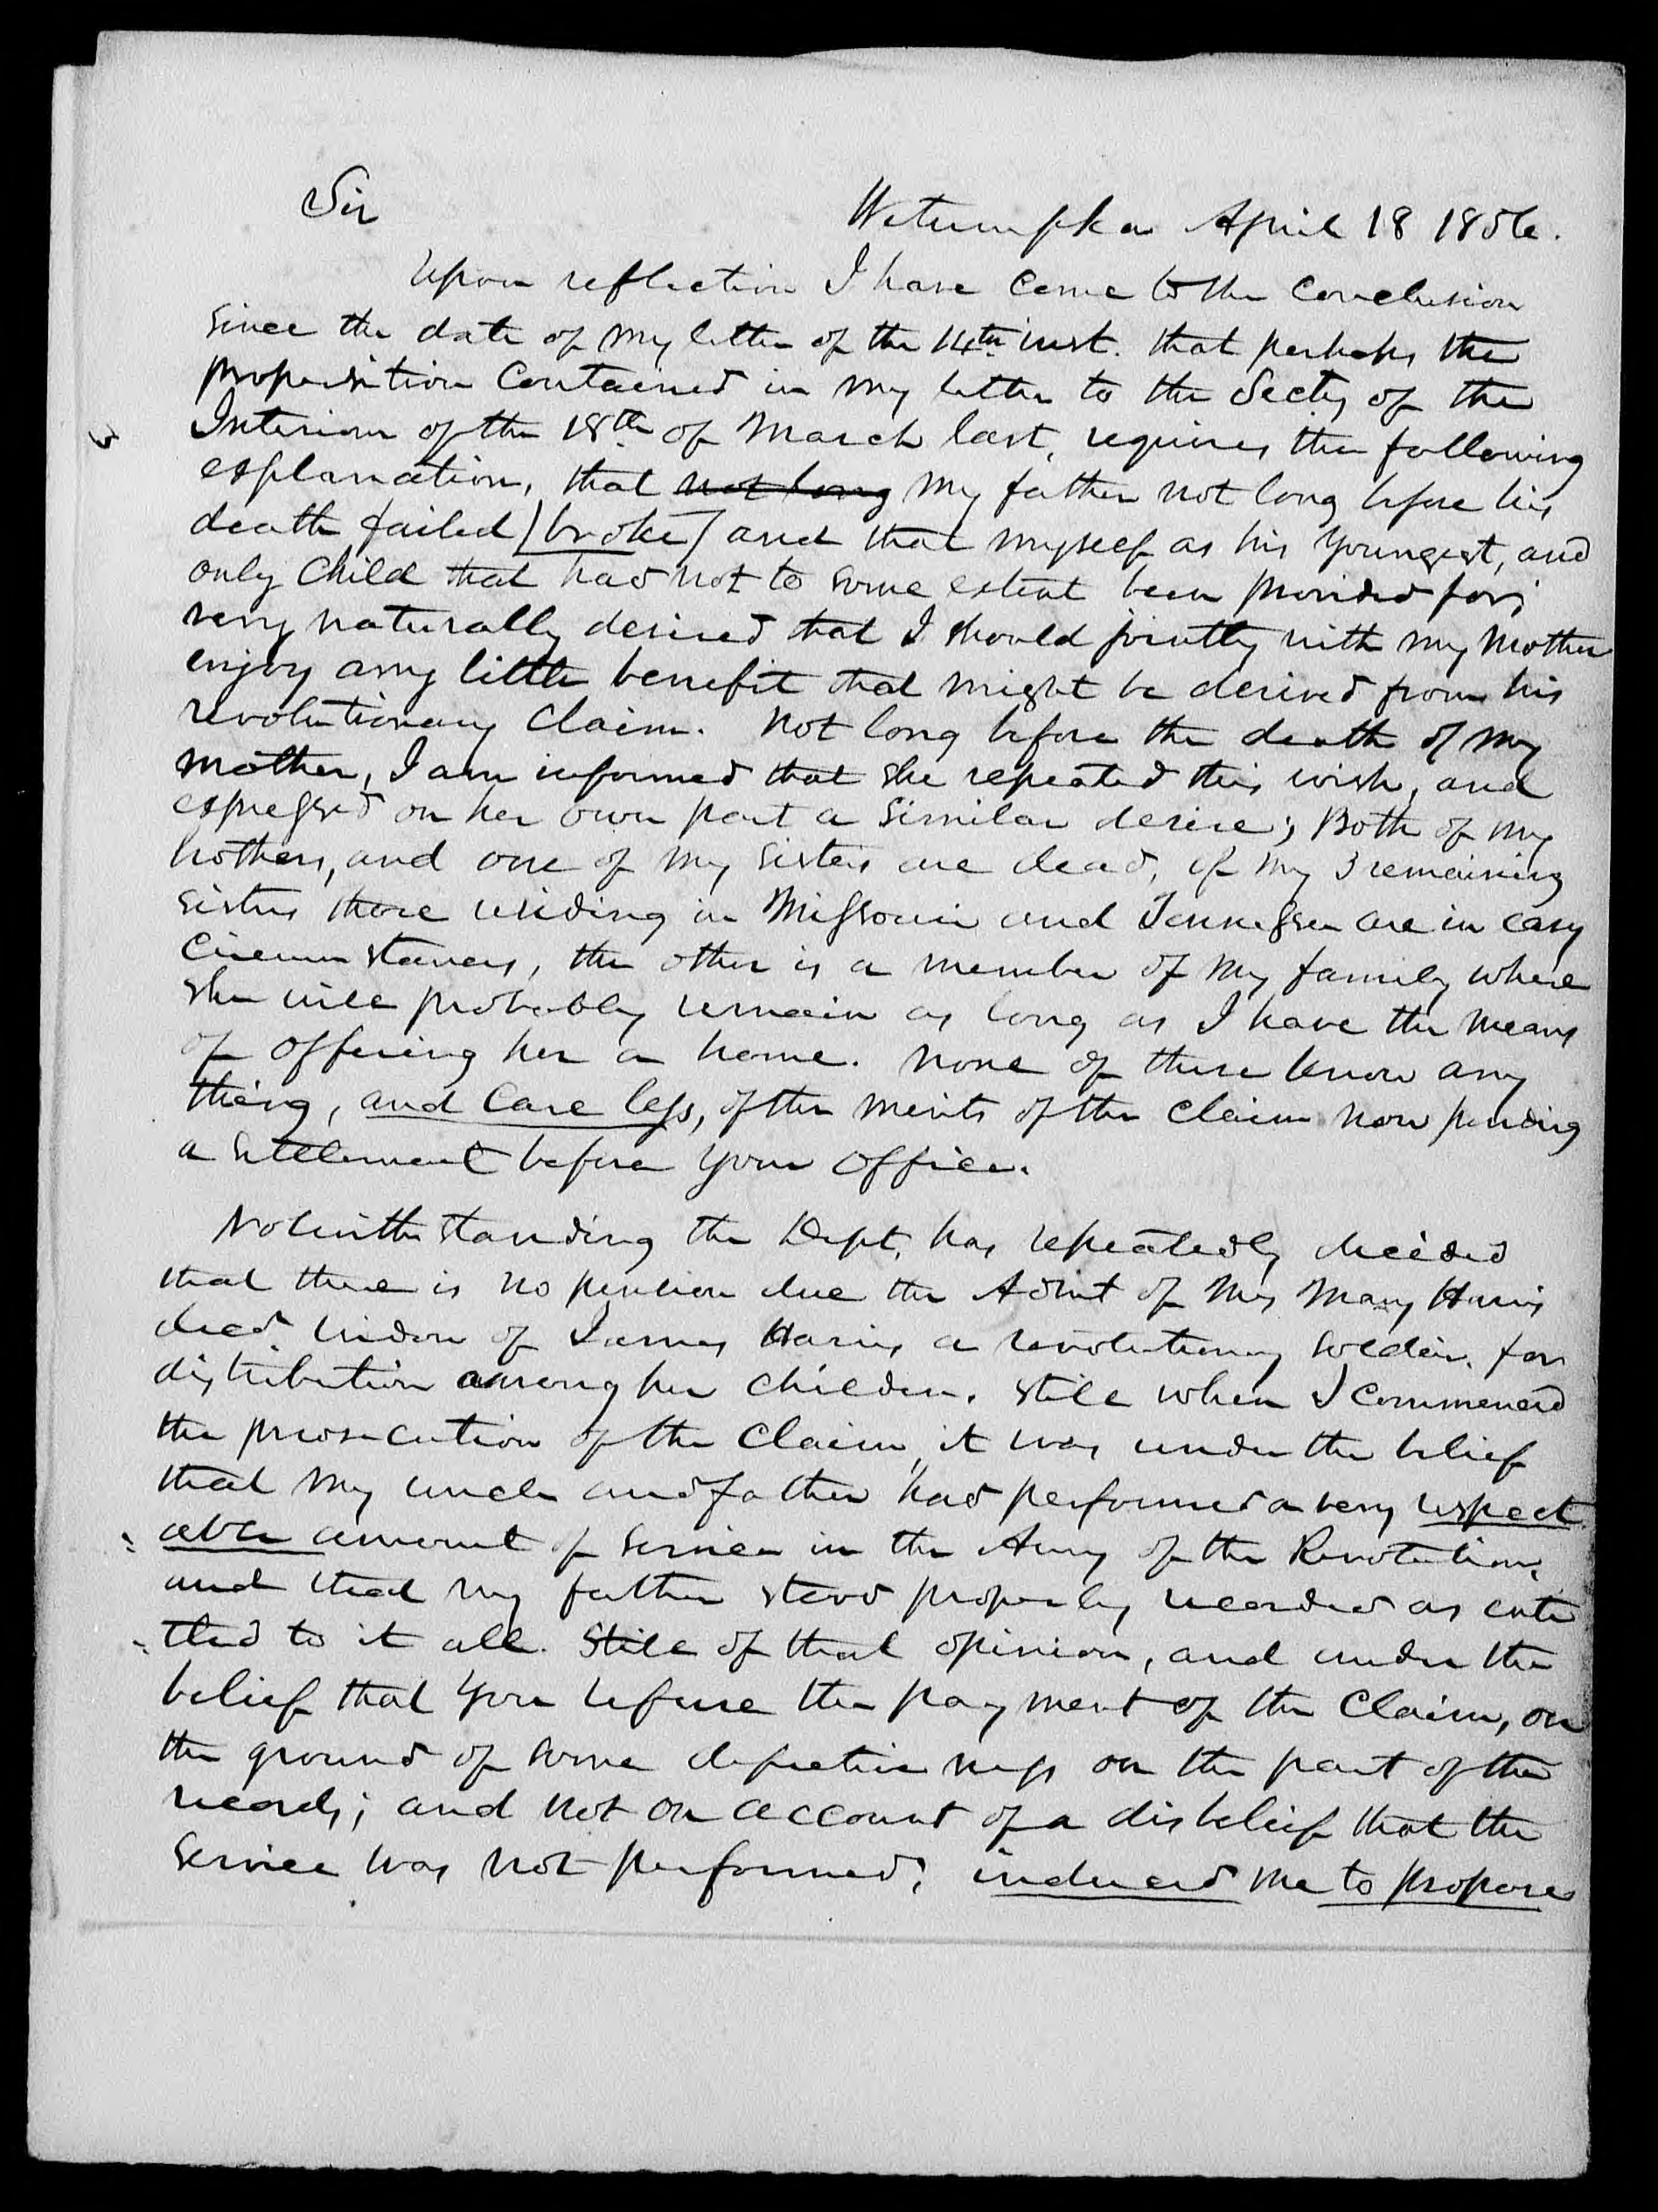Wetumpka  April 18 1856
Sir
  Upon reflection I have come to the conclusion since the date of my letter of the 14th inst. that perhaps the proposition contained in my letter to the Secty of the Interior of the 18th of March last, requires the following explanation, that my father not long before his death failed (broke) and that myself as his youngest, and only child that had not to some extent been provided for, very naturally desired that I should jointly with my mother enjoy any little benefit that might be derived from his revolutionary claim.  Not long before the death of my mother, I am informed that she repeated this wish, and expressed on her own part a similar desire; both of my brothers, and one of my sisters are dead, of my 3 remaining sisters those residing in Missouri and Tennessee are in easy circumstances, the other is a member of my family where she will probably remain as long as I have the means of offering her a home.  None of these know anything, and care less, of the merits of the claim now pending a settlement before your office.
Notwithstanding the Dept has repeatedly decided that there is no pension due the [?] of Mrs. Mary Harris, decd widow of James Harris, a revolutionary soldier, for distribution among her children, still when I commenced the prosecution of the claim it was under the belief that my uncle and father had performed a very respectable amount of service in the Army of the Revolution and that my father stood properly recorded as entitled to it all.  Still of that opinion, and under the belief that you refuse the payment of the claim, on the ground of some defectiveness on the part of the record, and not on account of a disbelief that the service was not performed, induced me to propose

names: Mary Harris, James Harris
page: 40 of 160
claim: rejected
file: R. 4666, James Harris, Va.